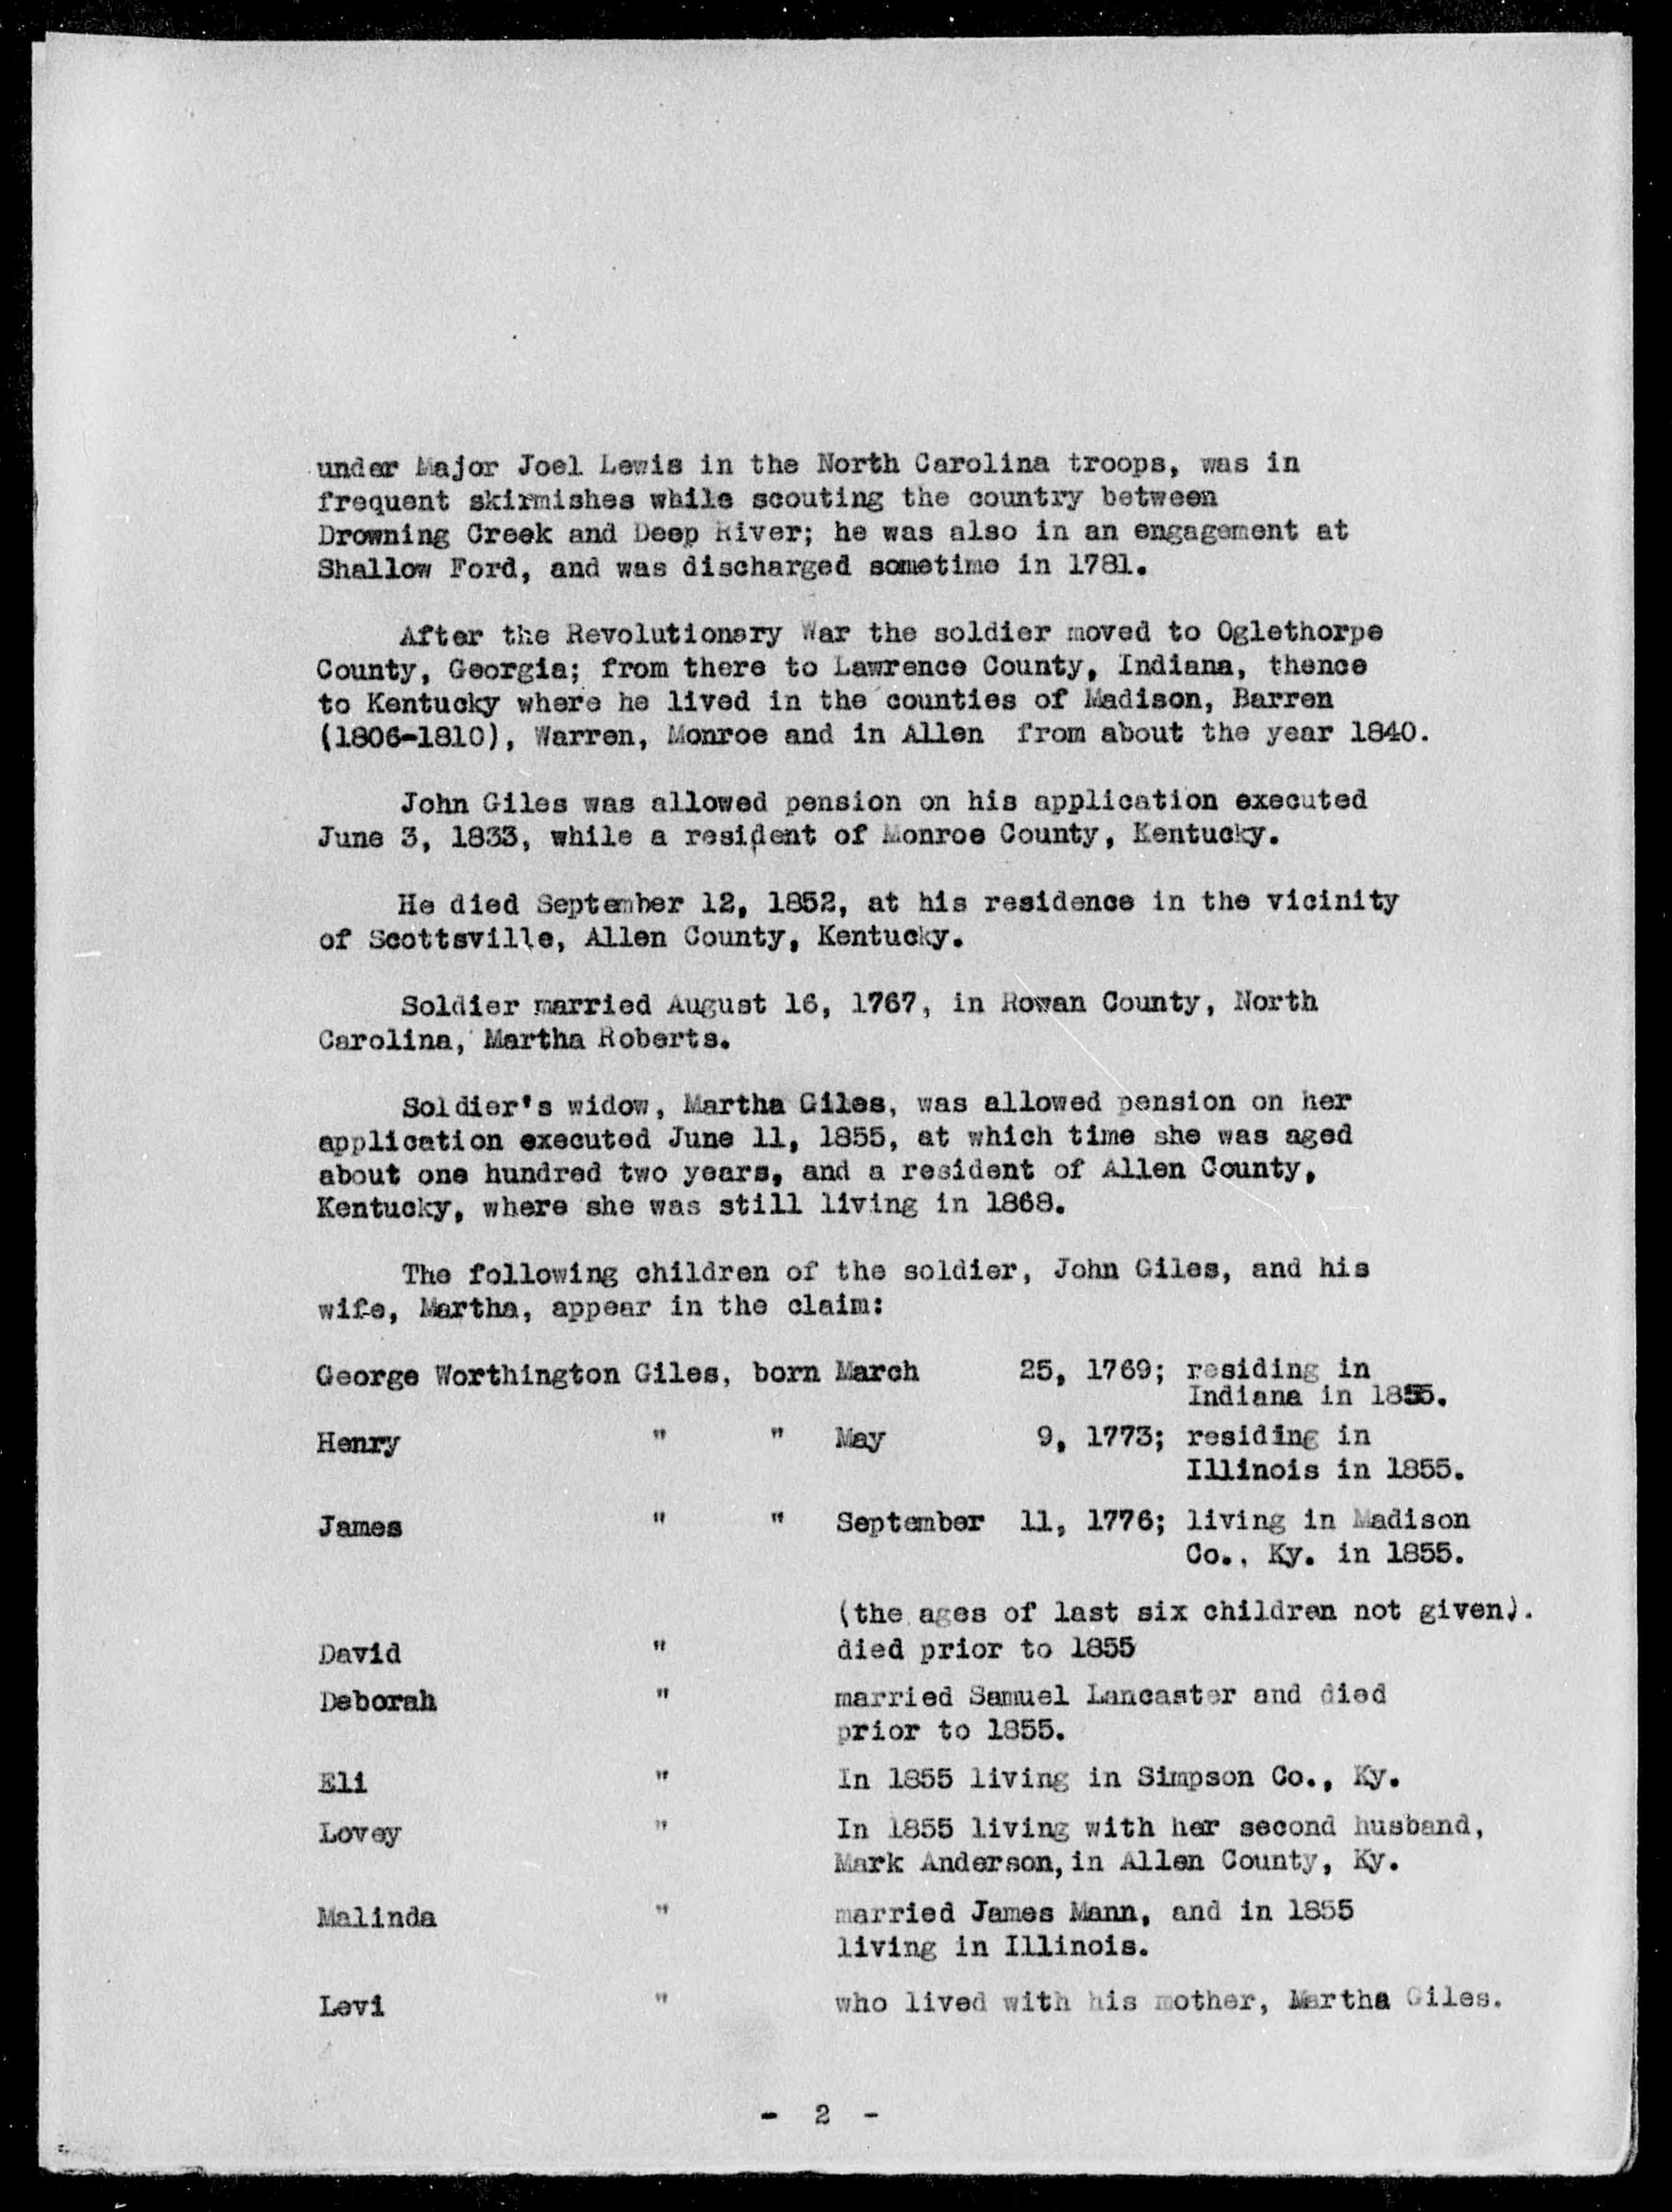under Major Joel Lewis in the North Carolina troops, was in frequent skirmishes while scouting the country between Drowning Creek and Deep River; he was also in an engagement at Shallow Ford, and was discharged sometime in 1781.

After the Revolutionary War the soldier moved to Oglethrope County, Georgia; from there to Lawrence County, Indiana, thence to Kentucky where he lived in the counties of Madison, Barren (1806-1810), Warren, Monroe and in Allen from about the year 1840. 

John Giles was allowed pension on his application executed June 3, 1833, while a resident of Monroe County, Kentucky.

He died September 12, 1852, at his residence in the vicinity of Scottsville, Allen County, Kentucky.

Soldier married August 16, 1767, in Rowan County, North Carolina, Martha Roberts.

Soldier's widow, Martha Giles, was allowed pension on her application executed June 11, 1855, at which time she was aged about one hundred two years, and a resident of Allen County, Kentucky, where she was still living in 1869.

The following children of the soldier, John Giles, and his wife, Martha, appear in the claim:

Geoge Worthington Giles, Born March 25, 1769; residing in Indiana in 1855.

Henry Giles born May 9, 1773; residing in Illinois in 1855.

James Giles born September 11, 1776; living in Madison Co., Ky. in 1855.

(the ages of last six children not given)

David Giles died prior to 1855

Deborah Giles married Samuel Lancaster and died prior to 1855.

Eli Giles In 1855 living in Simpson Co., Ky.

Lovey Giles In 1855 living with her second husband, Mark Anderson, in Allen County, Ky.

Malinda Giles married James Mann, and in 1855 living in Illinois.

Levi Giles who lived with his mother, Martha Giles

2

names: Malinda Giles, David Giles, John Giles, Joel Lewis, Mark Anderson, Martha Roberts, James Giles, Martha Giles, Samuel Lancaster, Levi Giles, George Worthington Giles, James Mann, John Giles, Lovey Giles, Martha Giles, Eli Giles, Henry Giles, Martha, Deborah Giles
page: 81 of 82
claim: widow's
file: W. 7,522, John Giles, N.C.